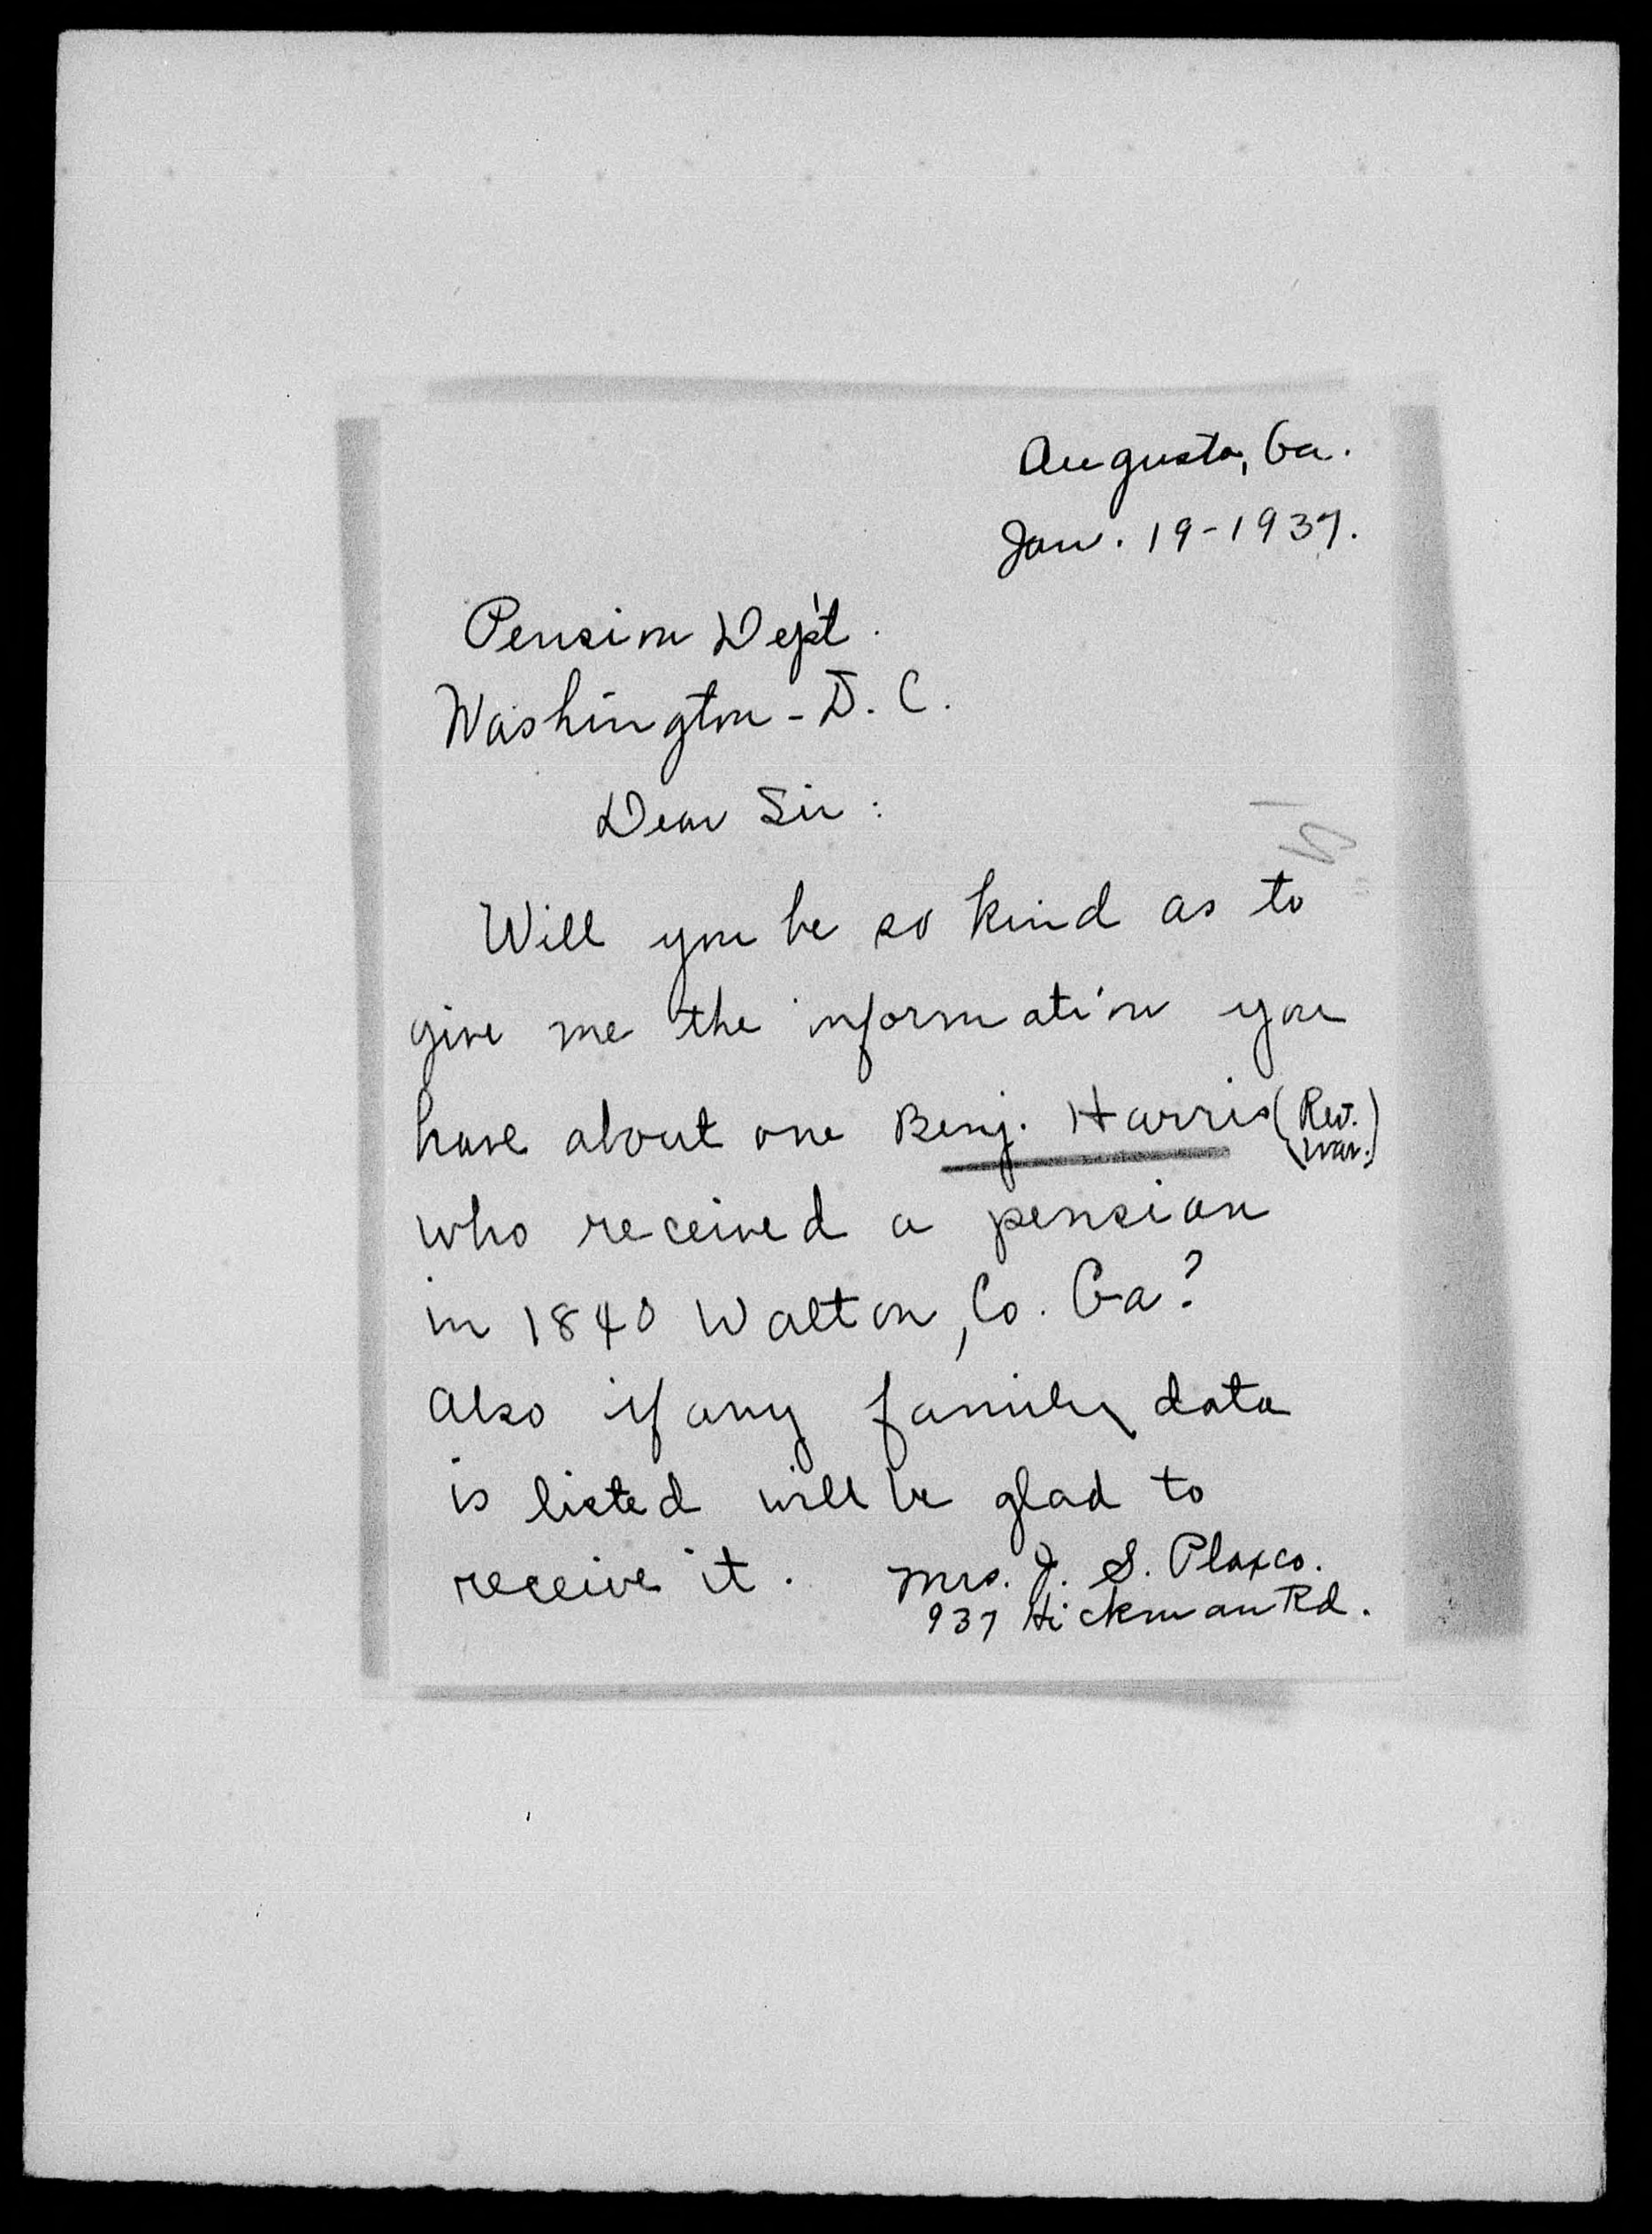Augusta, Ga Jan 19-1937. J

Pension Dept Washington D.C 

Dear Sir Will you be so kind as to give me the information you have about one Benj. Harris   (Rev.War) who received a pensio in 1840 Walton, Co. Ga? also if any family data is listed will be glad to receive it 
Mrs. J. S. Plaxco 137 Hickman Rd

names: J S Plaxco, Benj Harris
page: 58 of 62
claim: survivor's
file: S. 38816, Benjamin Harris, Mass.